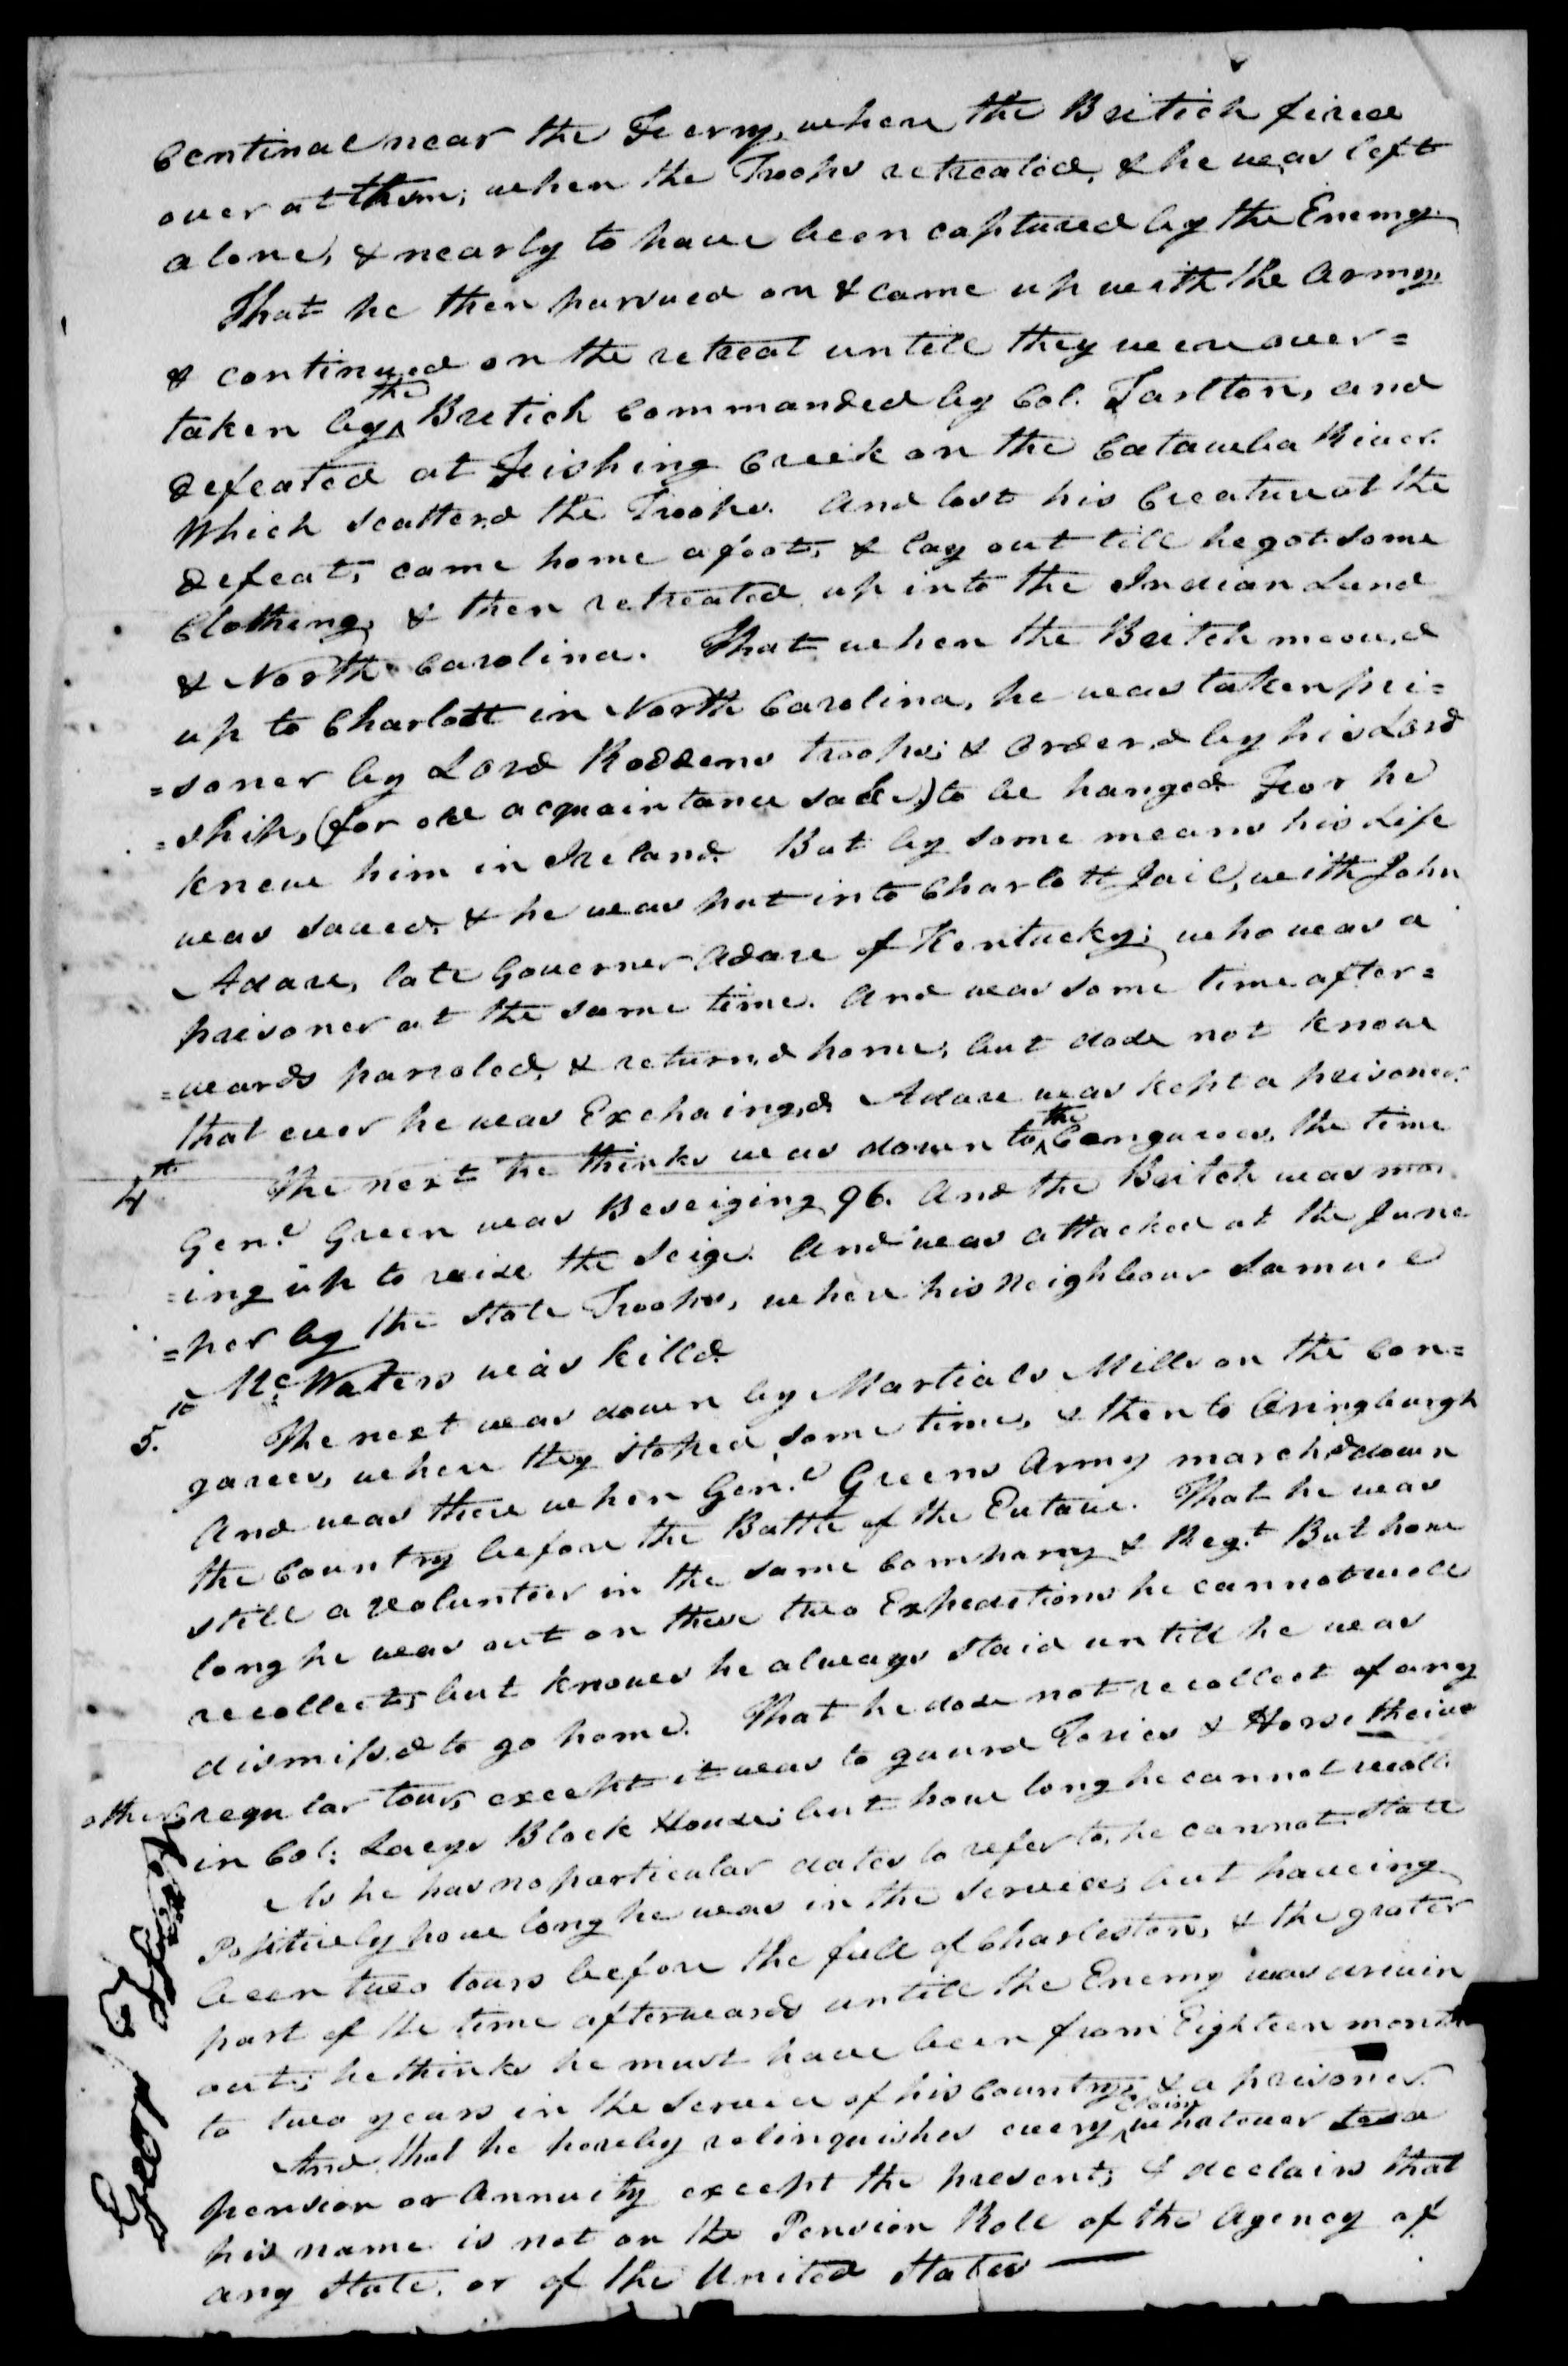sentinel near the Ferry, when the British fired over at them, when the troops retreated & he was left
alone, & nearly to have been captured by the Enemy

That he their pursued on & came up with the army & continued on the retreat untill they were over
taken by British commanded by Col Tarlton, and defeated at Fishing Creek on the Catawba River
which scattered the Troops and lost his [illegible] at the defeat, came home a fort & lay out till he got some clothing & then retreated up into the Indian Land & North Carolina. That when the British moved up to Charlotte in North Carolina, he was taken prisoner by Lord Rogers troop & ordered by his Lordship (for one acquaintance sake) to be hanged for he knew him in Ireland But by some means his life was saved & he was put into Charlotte Jail with John Adam late Governor Adam of Kentucky who was a prisoner at the same time. and was some time afterwards paroled + returned home, but did not know that ever he was exchanged Adam was kept a prisoner
4th
hhe next he thinks was down to the Congaree, the time Gen Green was besieging 96. and the British was marching up to raid the siege and was attacked at the Jun[illegible] by the State Troops, where his neighbour Samuel McWaters was killed
5.
the next was down by Martial's Mills on the Congaree when they stopped some time & then to Orangeburg and was there when Gen Greens army marched down the Country before the Battle of the Eutaw. That he was a volunteer in the same company & Regt but how long he was out on that the Expedition he cannot well recollect but knows he always staid untill he was dismissed to go home. That he dose not recollect of any regular tour except it was to guard Tories & Horses there in
Col. Lacy Block House but how long he cannot recollect

As he has no particular date to refer to he cannot state precisely how long he was in the service but having been two tours before the fall of Charleston & the greater part of the time afterward until the Enemy was [illegible] out he thinks he must have been from Eighteen months to two years in the service of his country & as a prisoner

That he hereby relinquishes every claim whatever to a  pension or annuity except the present & declares that his name is not on the Pension Roll of the agency of any State, or of the United States

[signed] George Weir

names: Tarlton, Vories, John Adase, Geor Wier, Samuel Mc Waters, Martials Mills, Horse, Lacye, Green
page: 5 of 22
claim: survivor's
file: S. 9528, George Weir, S.C.